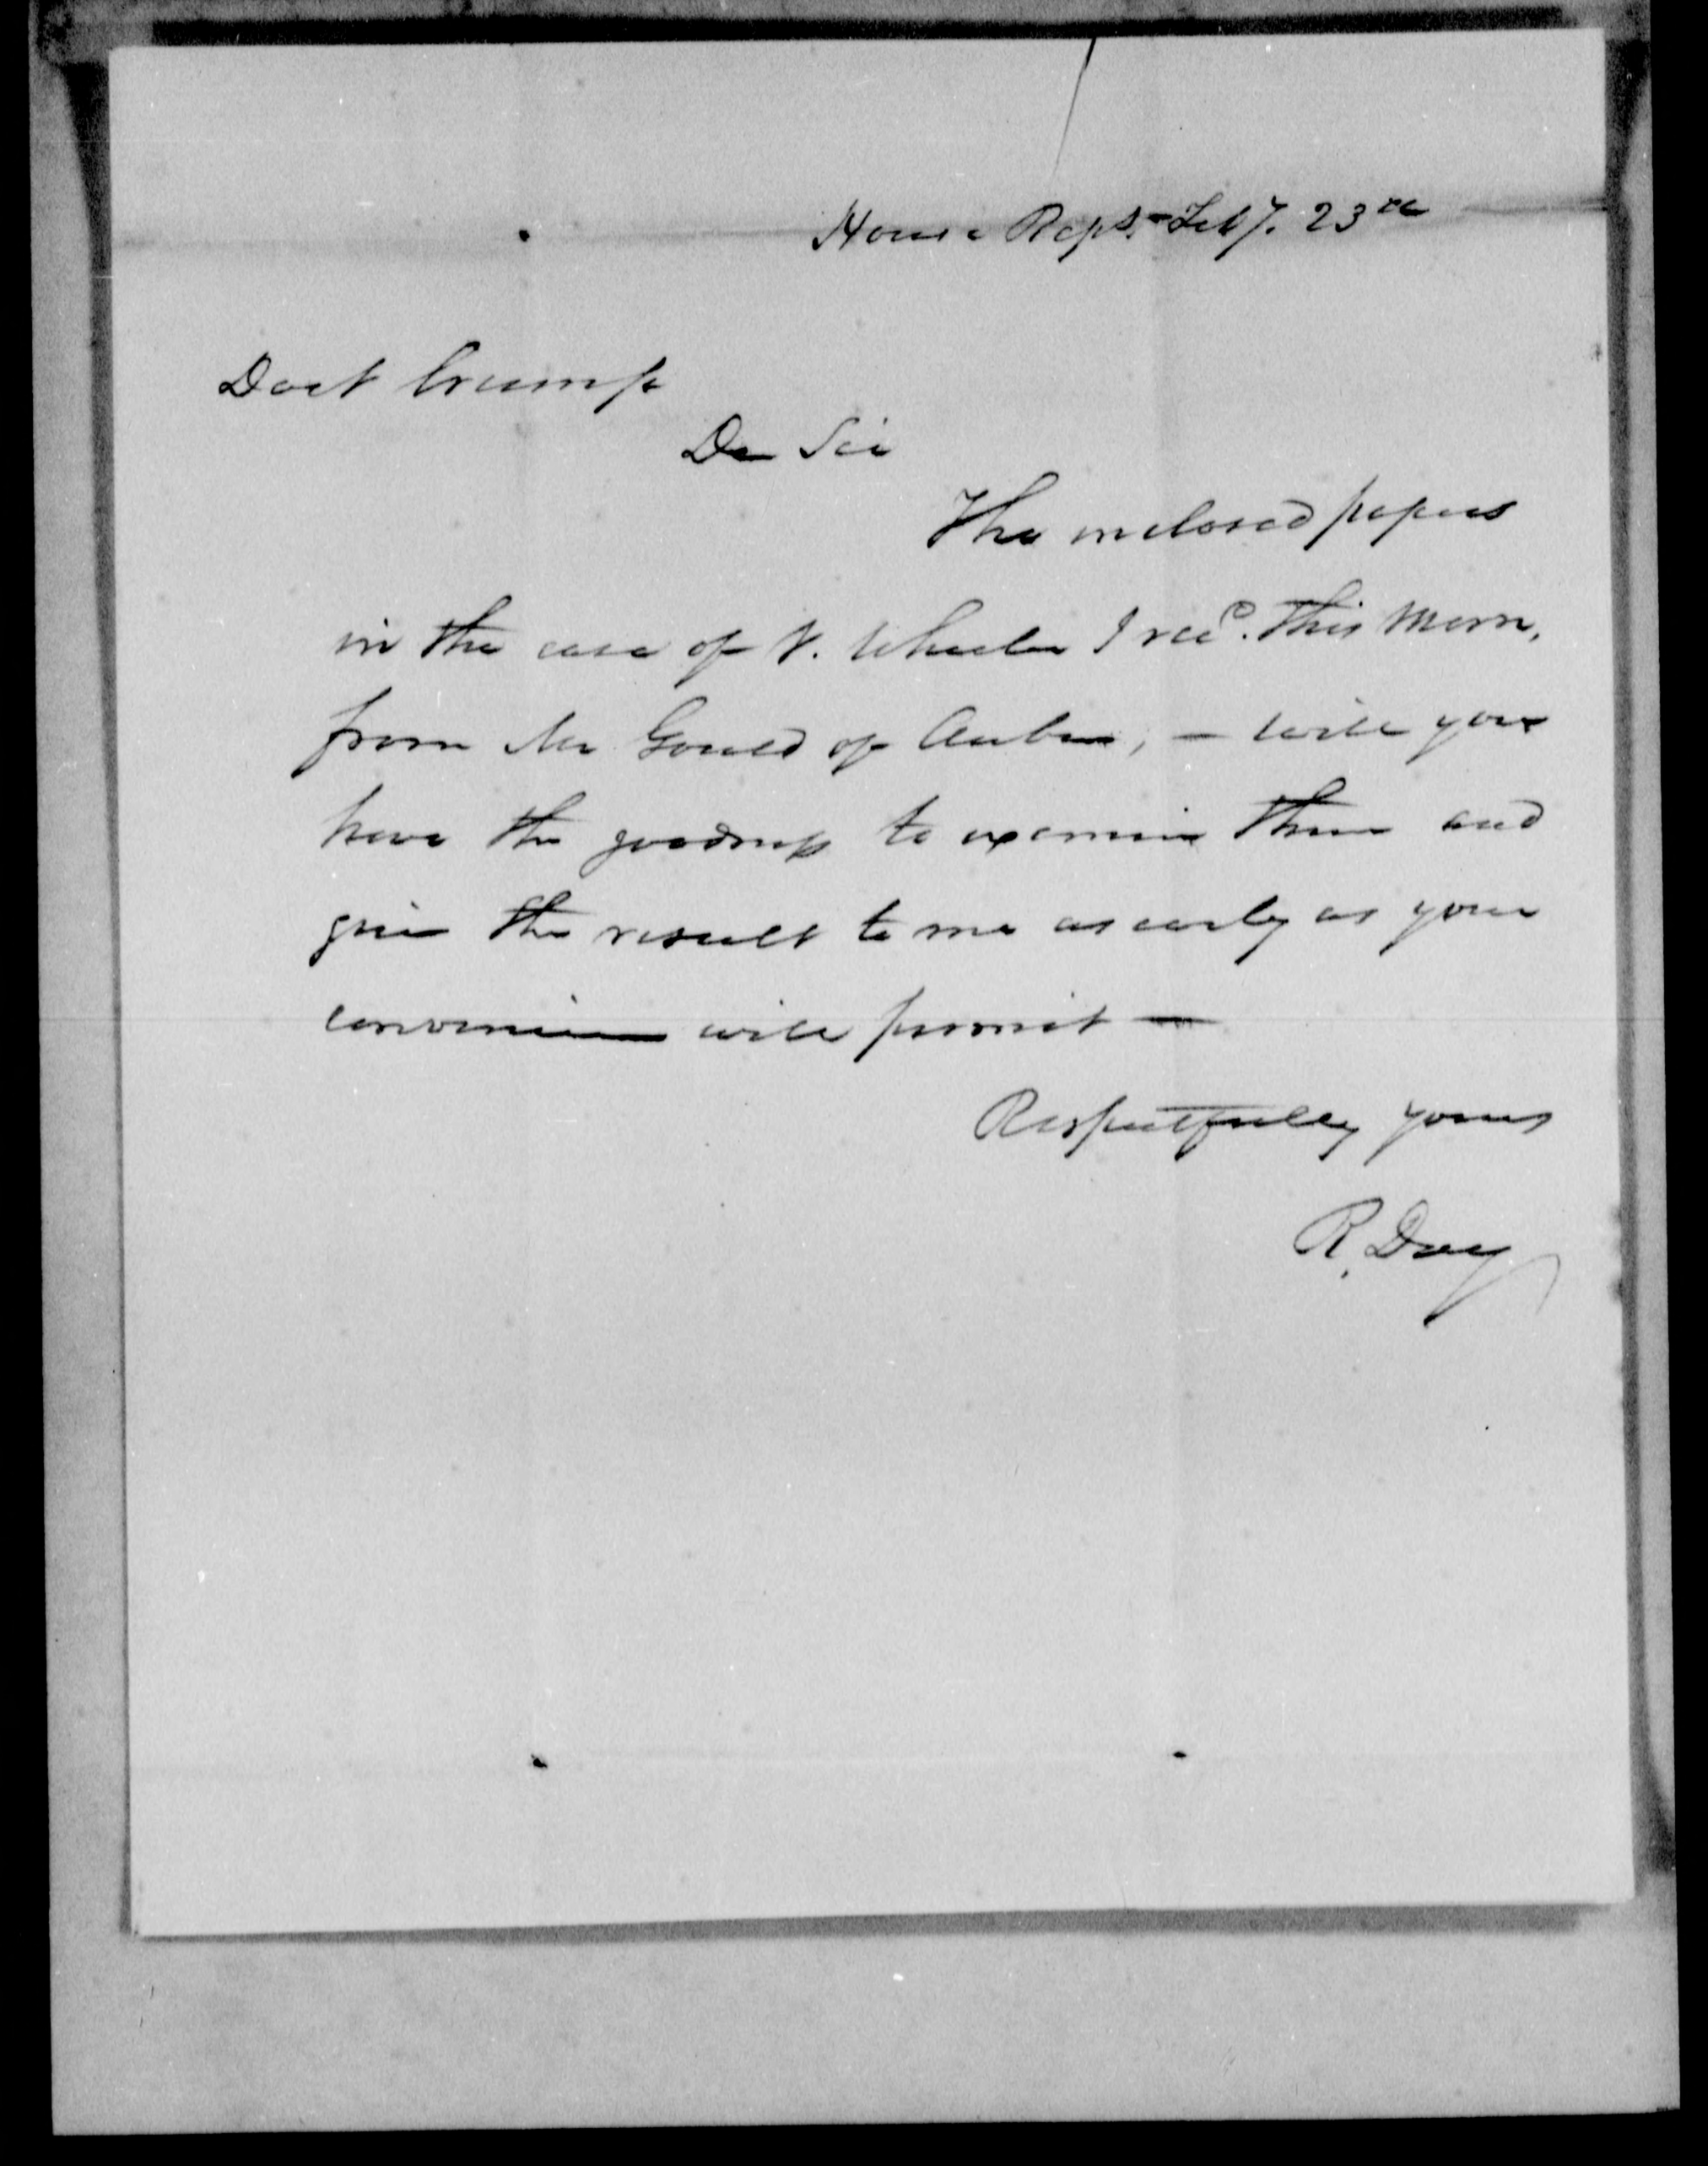House Reps. Feby. 23rd

Doct. Crump

Dr Sir
The enclosed papers in the case of V. Wheeler I rec'd this morn. from Mr. Gould of Auburn. Will you have the goodness to examine them and give the result to me as early as your convenience will permit.

Respectfully yours
R. Day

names: Crump, R Day, Gould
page: 72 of 98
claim: widow's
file: W. 1682, Valentine Wheeler, Mass.